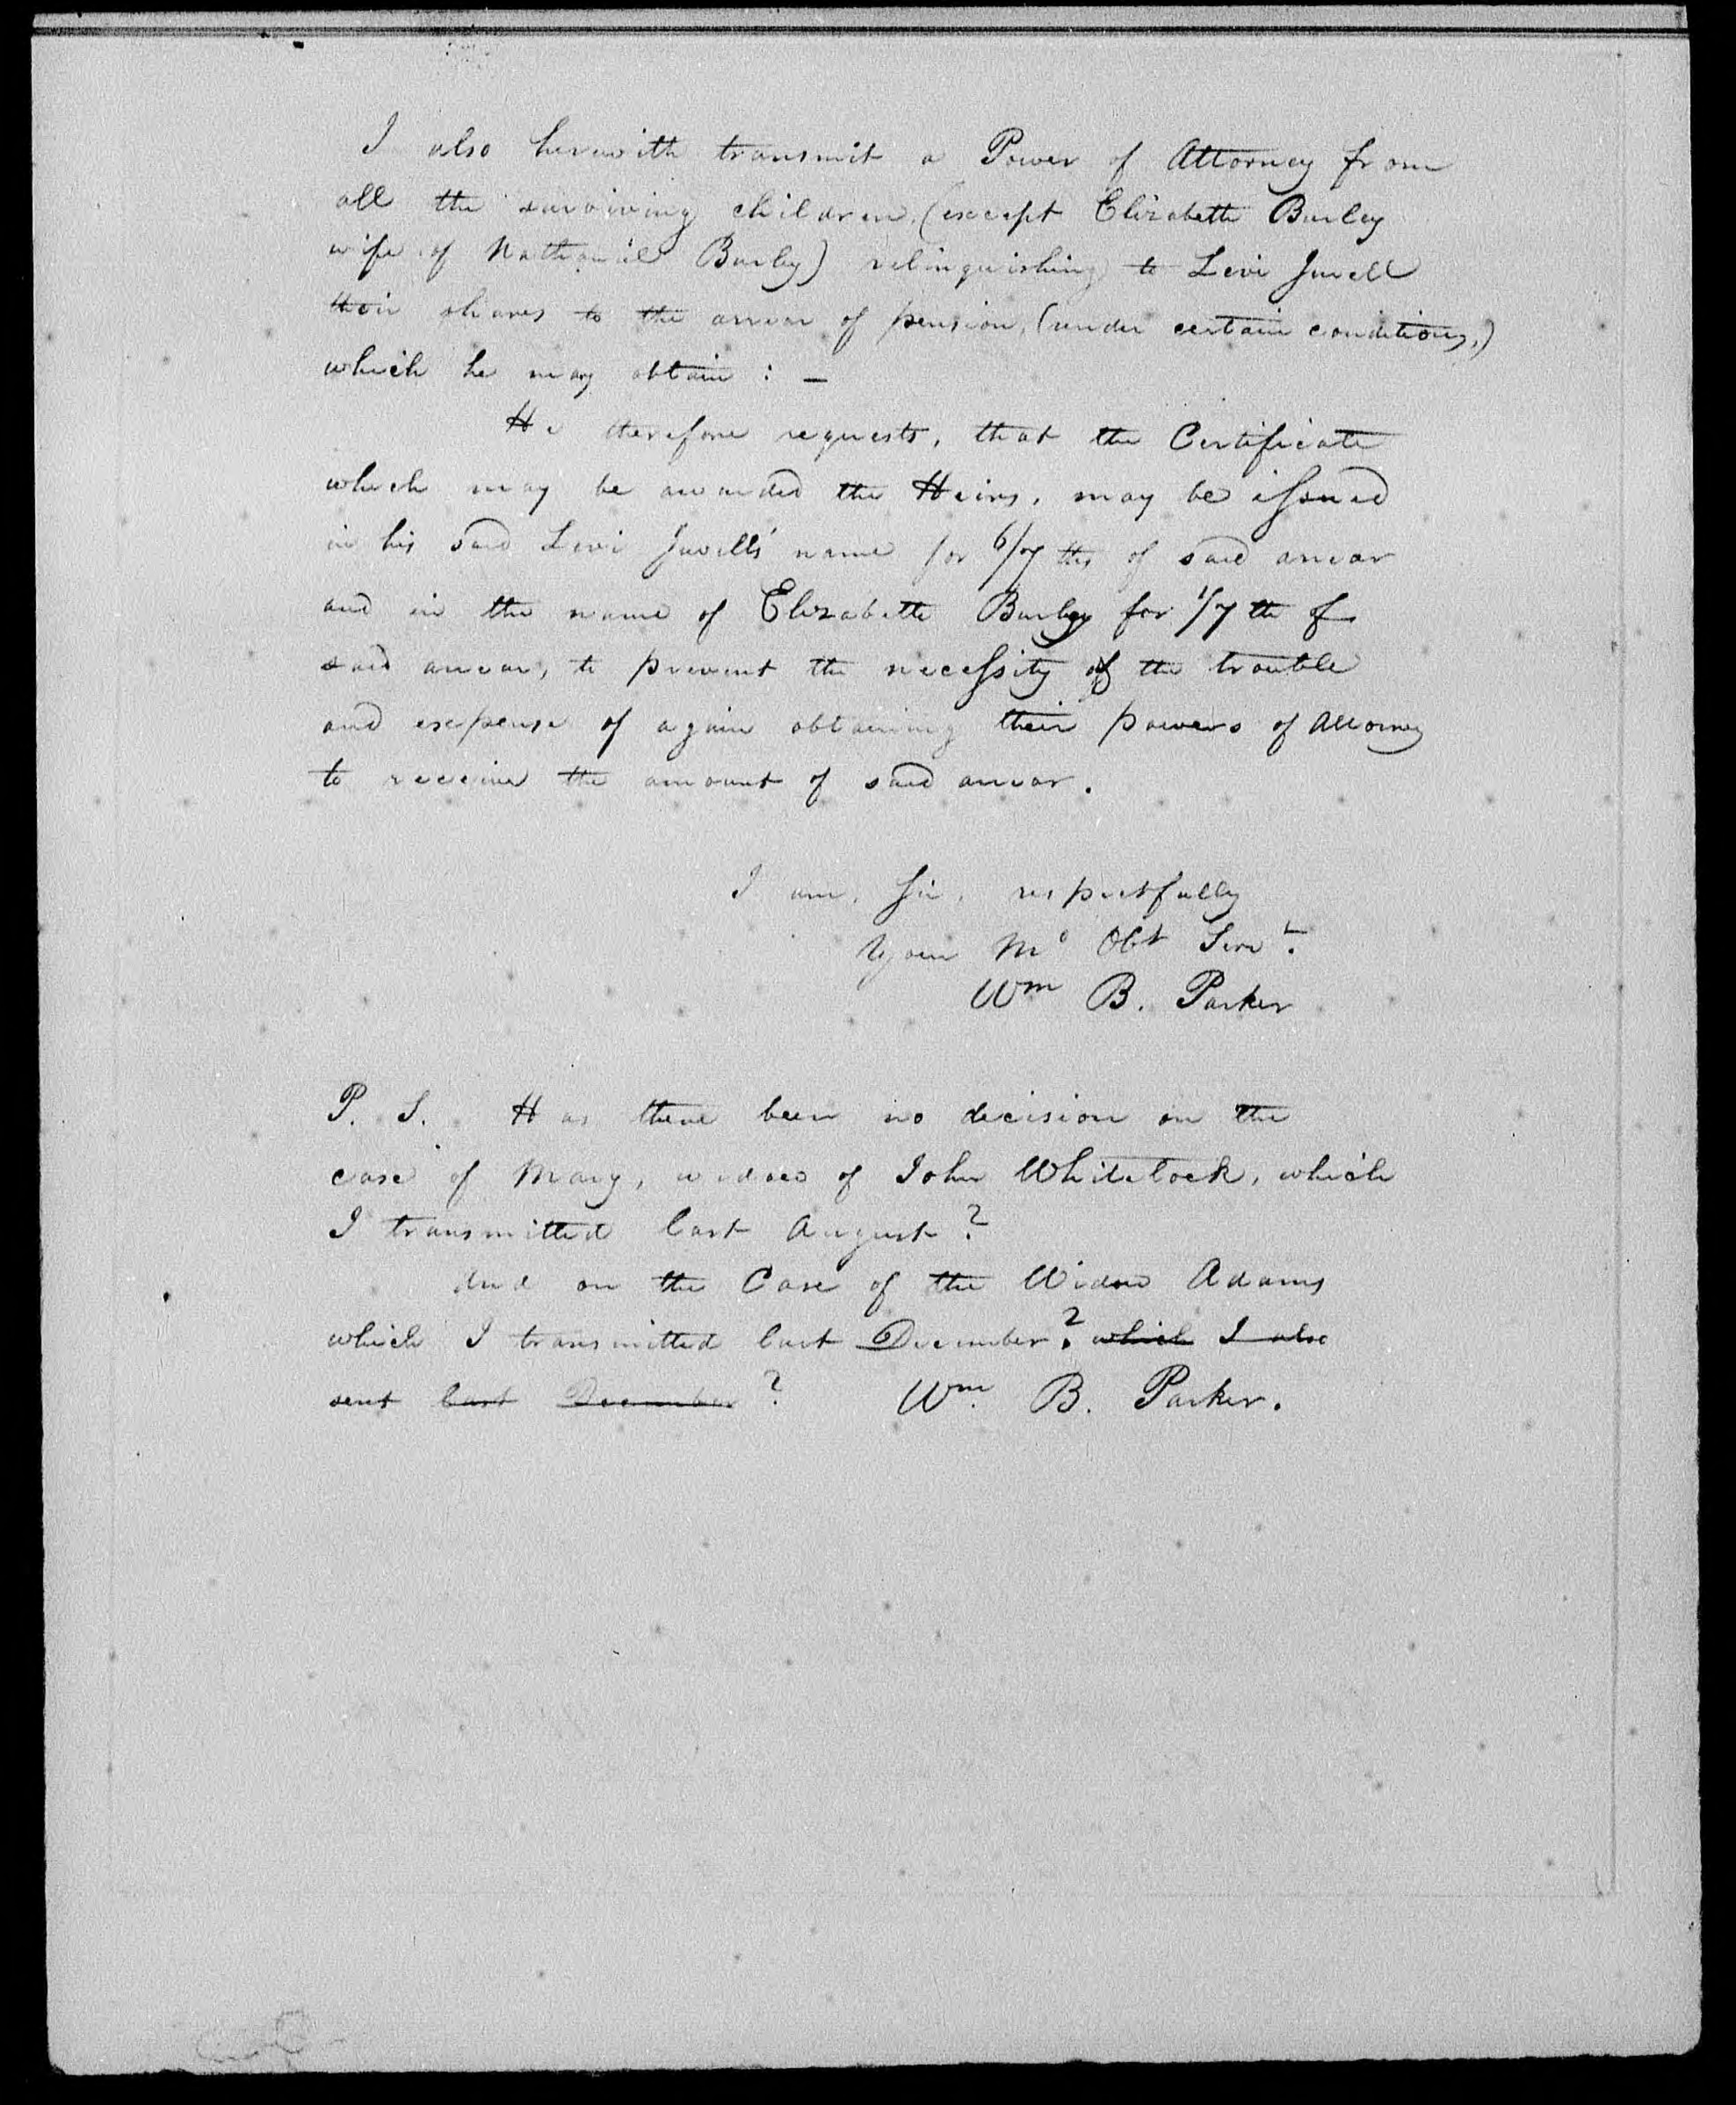I also herewith transmit a Power of Attorney from all the surviving children (except Elizabeth Burley wife of Nathaniel Burley) relinquishing to Levi Jewell their shares to the amount of pension, (under certain conditions,) which he may obtain: -
He therefore requests, that the certificate
which may be awarded the Heirs, may be issued in his said Levi Jewell's name for 6/7 ths of said amount and in the name of Elizabeth Burley for 1/7th of said amount, to prevent the necessity of the trouble and expense of again obtaining their powers of attorney to receive the amount of said award.
I am Sir, respectfully your Mo Obt Servt. [MOST OBEDIENT SERVANT]
Wm [WILLIAM] B. Parker
P.S. Has there been no decision in the case of Mary, widow of John Whitelock, which
I transmitted last August? And on the case of the Widow Adams which I transmitted last December? 
Wm [WILLIAM] B. Parker.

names: Wm B Parker; Elizabeth Burley; Nathaniel Burley; Levi Jewell; John Whitelock; [BLANK] Adams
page: 26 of 35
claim: survivor's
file: S. 10912, for Daniel Jewell, New Hampshire